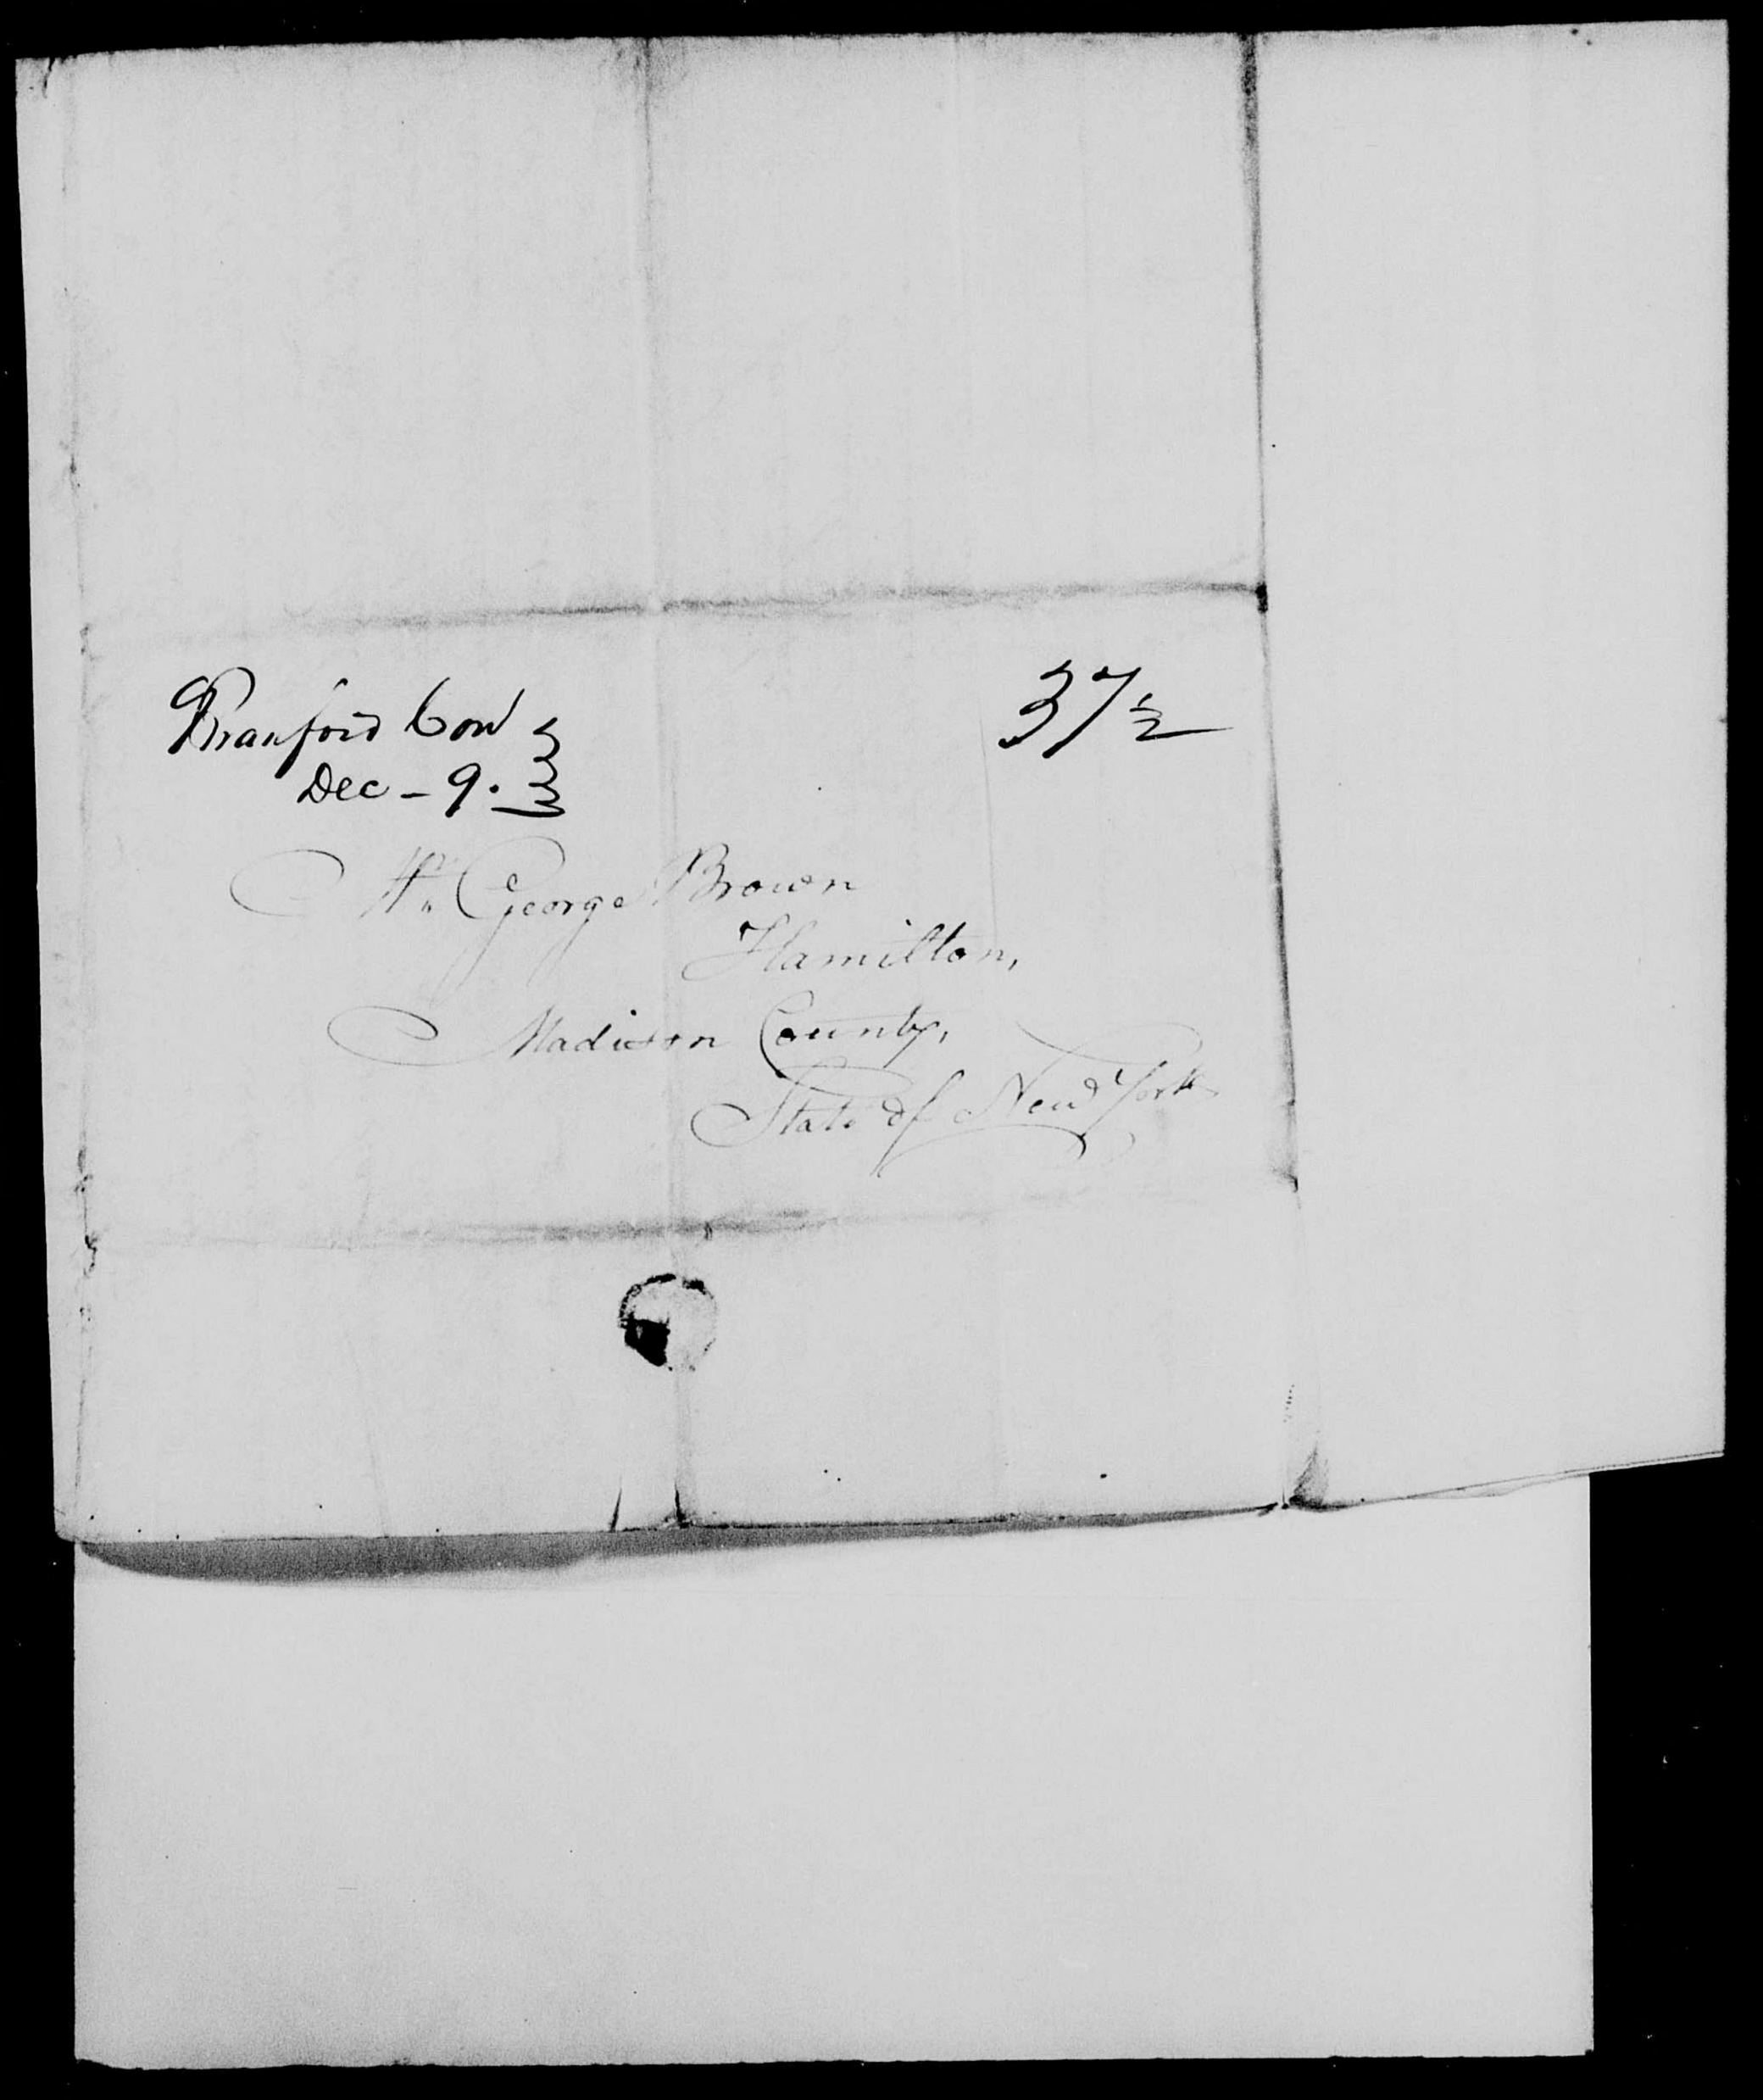Branford Con.
Dec 9.}

37 1/2
H. George Brown
Hamilton,
Madison County,
State of New York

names: George Brown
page: 13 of 37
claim: widow's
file: W. 20,787, Daniel Brown, Conn. Navy.